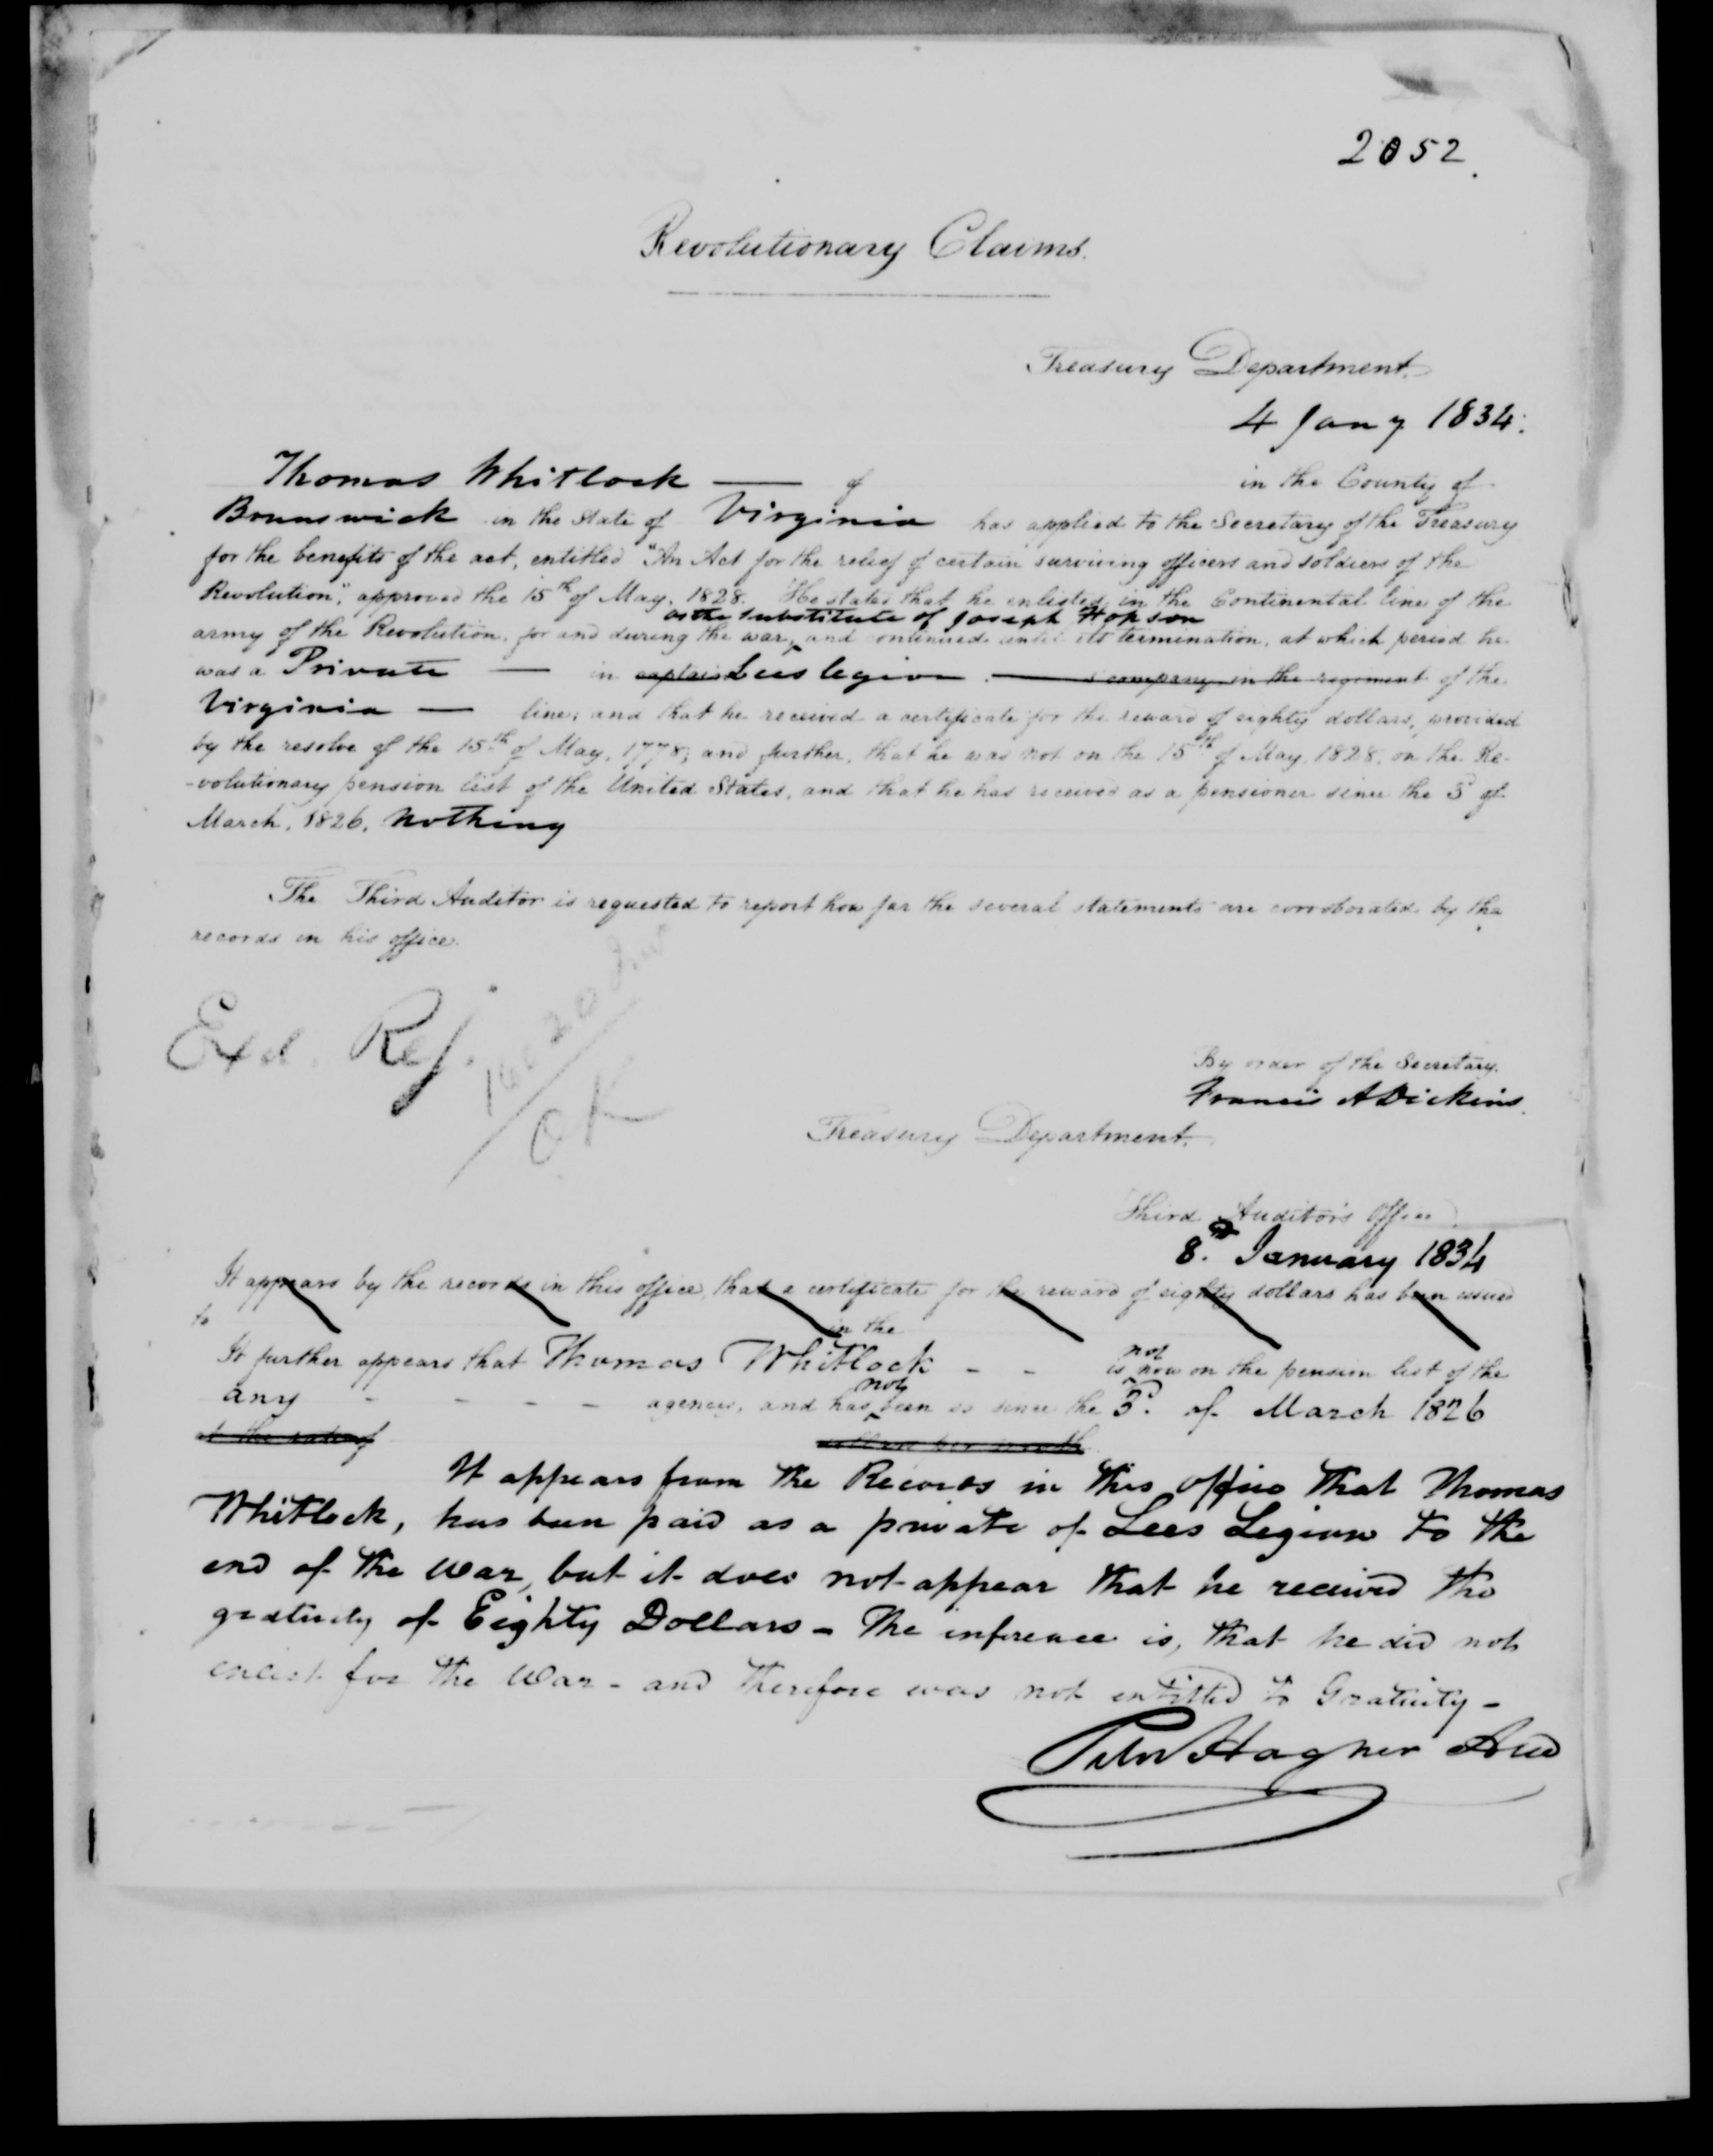2052.
Revolutionary Claims.
Treasury Department.
4 Jany 1834:
Thomas Whitlock - of ________ in the County of Brunswick in the State of Virginia has applied to the Secretary of the Treasury for the benefit of the act, entitled "An Act for the relief of certain surviving officers and soldiers of the Revolution", approved the 15th of May, 1828. He states that he enlisted in the Continental line of the army of the Revolution for and during the war as the substitute of Joseph Hopson and continued until its termination, at which point he was a Private - in Lee's legion - of the Virginia - line; and that he received a certificate for the reward of eighty dollars, provided by the resolve of the 15th of May, 1778; and further, that he was not on the 15th of May, 1828, on the Revolutionary pension list of the United States, and that he has received as a pension since the 3d of March, 1826, nothing
The Third Auditor is requested to report how far the several statements are corroborated by the records in his office.
Exd. Rej. 16020 Iss/OK
By order of the Secretary.
Francis A. Dickins

Treasury Department.
Third Auditor's Office.
It further appears that Thomas Whitlock -- is not now on the pension list of the any - - - agency, and has not been so since the 3d. of March 1826
It appears from the Records in this office That Thomas Whitlock, has been paid as a private of Lees Legion to the end of the war but it does not appear that he received the gratuity of Eighty Dollars - The inference is that he did not enlist for the War - and Therefore was not entitled to Gratuity -
Peter Hagner Aud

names: Thomas Whitlock, Peter Hagner, Francis Dickins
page: 27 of 32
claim: survivor's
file: S. 16020, Thomas Whitlock, Va.